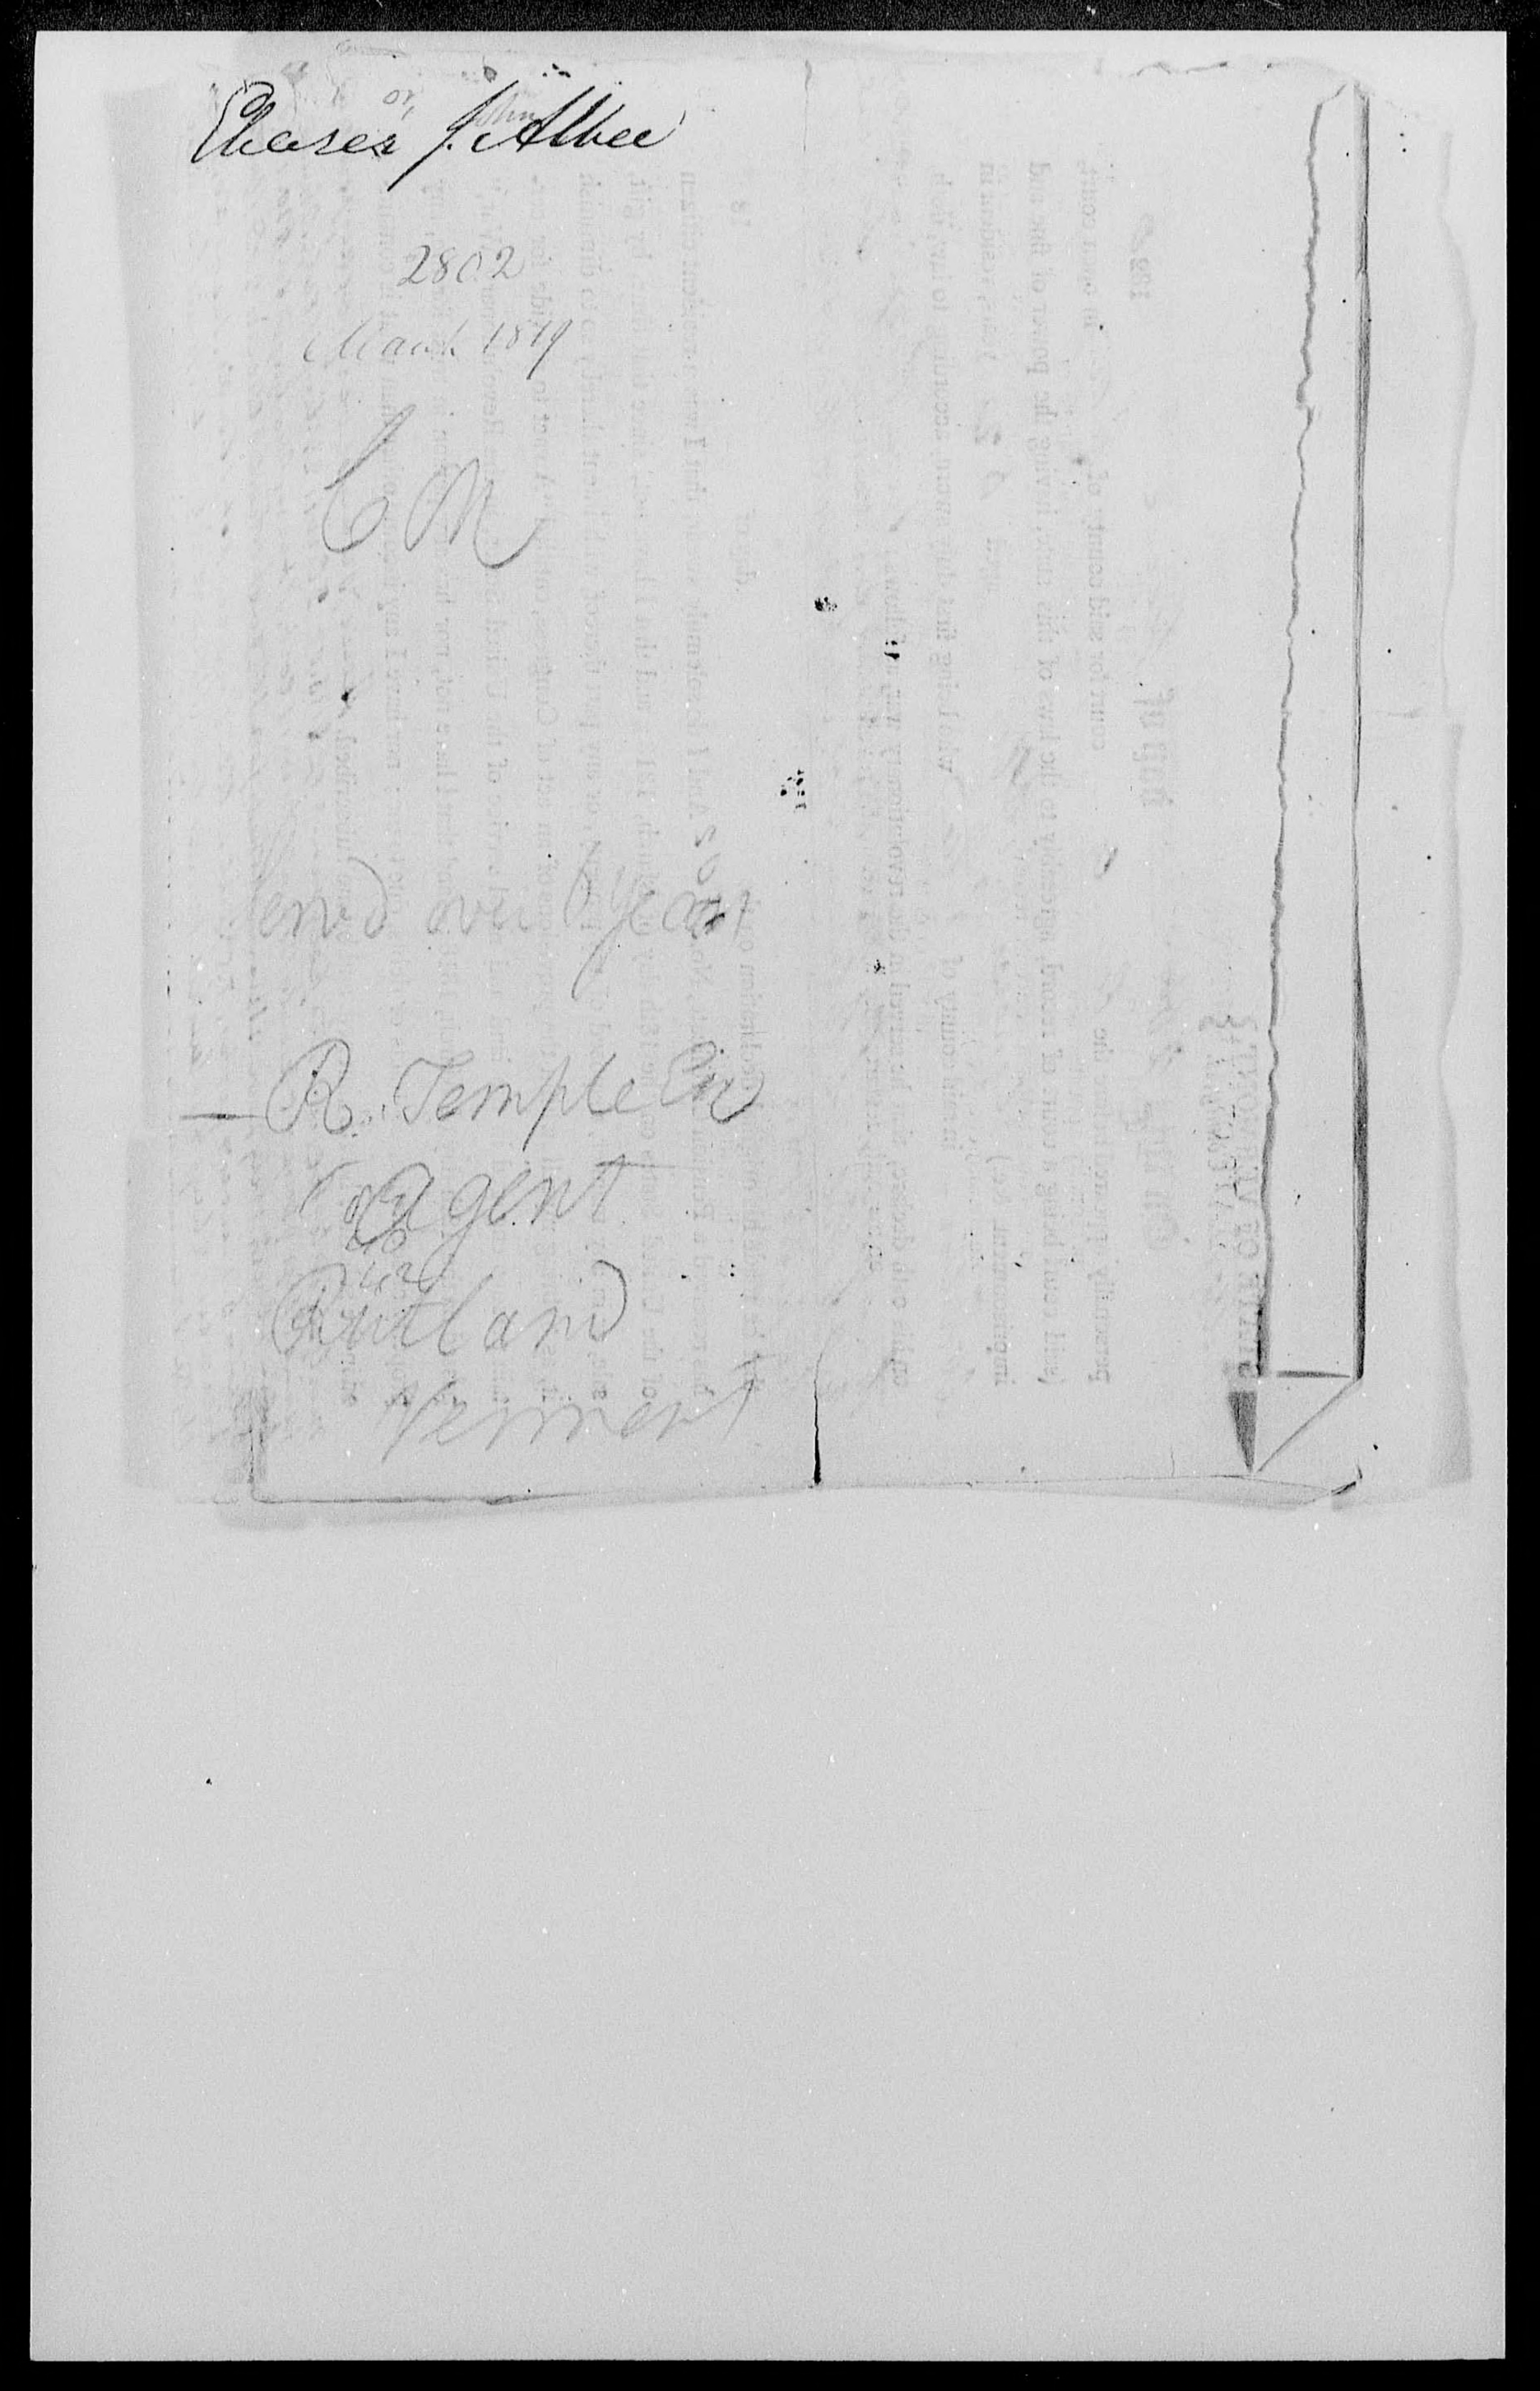Eleazer J  Albee 
2802 March 1819 
EM ⎬ 
Served over 6 years
R. Temple Agent 
Rutland Vermont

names: Eleazer J Albee, R Temple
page: 6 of 29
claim: survivor's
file: S 41404, Eleazer John Albee, Mass. Privateer